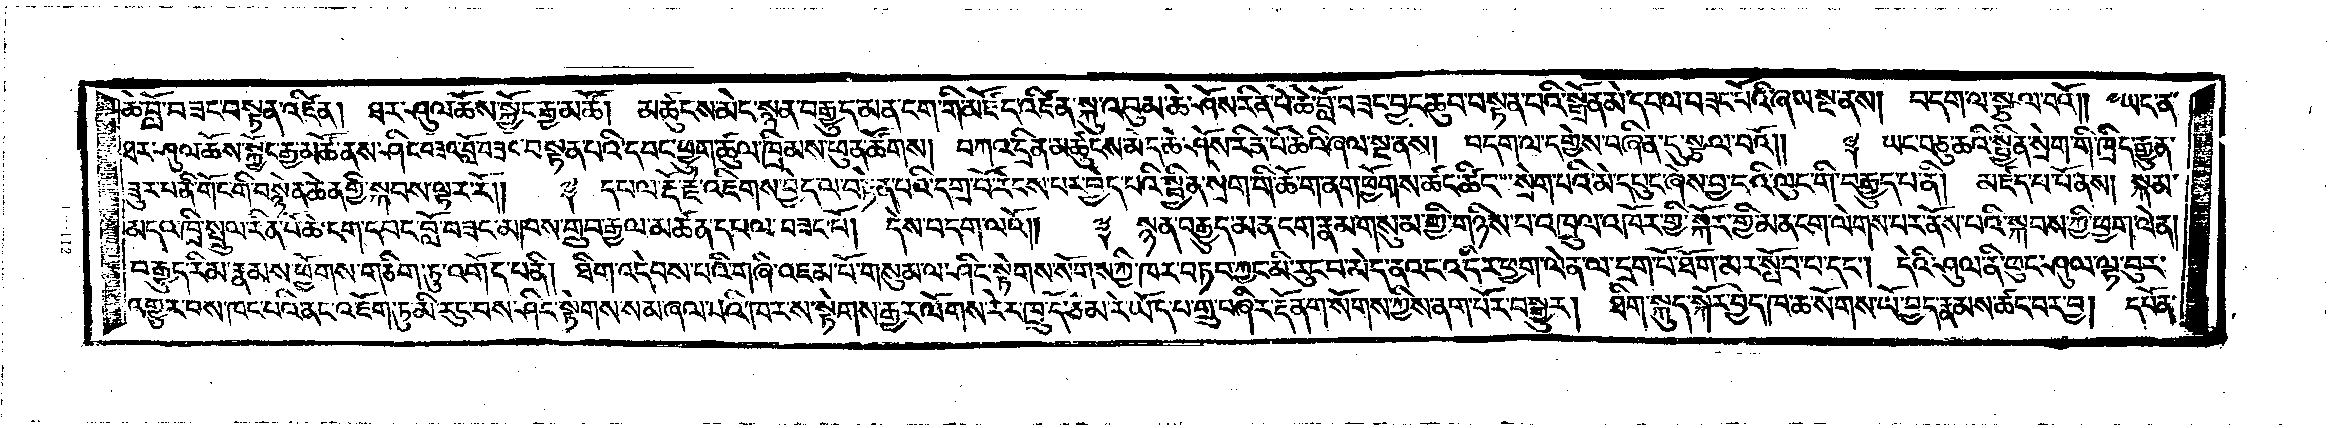ཆེ་བློ་བཟང་བསྟན་འཛིན། ཐར་ཤུལ་ཆོས་སྐྱོང་རྒྱ་མཚོ། མཚུངས་མེད་སྙན་བརྒྱུད་མན་ངག་གི་མཛོད་འཛིན་སྐུ་འབུམ་ཆེ་ཤོས་རིན་པོ་ཆེ་བློ་བཟང་བྱང་ཆུབ་བསྟན་པའི་སྒྲོན་མེ་དཔལ་བཟང་པོའི་ཞལ་སྔ་ནས། བདག་ལ་སྩལ་བའོ།། ༧ཡང་ན་
ཐར་ཤུལ་ཆོས་སྐྱོང་རྒྱ་མཚོ་ནས་ཤིང་བཟའ་བློ་བཟང་བསྟན་པའི་དབང་ཕྱུག་ཚུལ་ཁྲིམས་ཕུན་ཚོགས། བཀའ་དྲིན་མཚུངས་མེད་ཆེ་ཤོས་རིན་པོ་ཆེའི་ཞལ་སྔ་ནས། བདག་ལ་དགྱེས་བཞིན་དུ་སྩལ་བའོ།། ༈ ཡང་བཅུ་ཆའི་སྦྱིན་སྲེག་གི་ཁྲིད་རྒྱུན་
ཟུར་པ་ནི་གོང་གི་བསྙེན་ཆེན་གྱི་སྐབས་ལྟར་རོ།། ༈ དཔལ་རྡོ་རྗེ་འཇིགས་བྱེད་ལ་བརྟེན་པའི་དགྲ་པོ་རེངས་པར་བྱེད་པའི་སྦྱིན་སྲེག་གི་ཆོ་ག་ནག་ཕྱོགས་ཚང་ཚིང་སྲེག་པའི་མེ་དཔུང་ཞེས་བྱ་བའི་ལུང་གི་བརྒྱུད་པ་ནི། མཛད་པ་པོ་ནས། སྐམ་
མདའ་ཁྲི་སྤྲུལ་རིན་པོ་ཆེ་ངག་དབང་བློ་བཟང་མཁས་གྲུབ་རྒྱལ་མཚན་དཔལ་བཟང་པོ། དེས་བདག་ལའོ།། ༈ སྙན་བརྒྱུད་མན་ངག་རྣམ་གསུམ་གྱི་གཉིས་པ་འཁྲུལ་འཁོར་གྱི་སྐོར་གྱི་མན་ངག་ལེགས་པར་ནོས་པའི་སྐབས་ཀྱི་ཕྱག་ལེན།
བརྒྱུད་རིམ་རྣམས་ཕྱོགས་གཅིག་ཏུ་འགོད་པ་ནི། ཐིག་འདེབས་པའི་གཞི་འཇམ་པོ་གསུམ་ལ་ཤིང་སྟེགས་སོགས་ཀྱི་ཁར་བཏབ་ཀྱང་མི་རུང་བ་མེད་ནའང་འདིར་ཕྱག་ལེན་ལ་དྲག་པོ་ཐོག་མར་སློབ་པ་དང་། དེའི་ཤུལ་ནི་ཕུང་ཤུལ་ལྟ་བུར་
འགྱུར་བས་ཁང་པའི་ནང་འཇོག་ཏུ་མི་རུང་བས་ཤིང་སྟེགས་སམ་ཞལ་པའི་ཁར་ས་སྟེགས་རྒྱར་ལོགས་རེར་ཁྲུ་དོ་ཙམ་རེ་ཡོད་པ་གྲུ་བཞིར་རྡོ་ནག་སོགས་ཀྱིས་ནག་པོར་བསྒྱུར། ཐིག་སྐུད་སྐོར་བྱེད་ཁ་ཆ་སོགས་ཡོ་བྱད་རྣམས་ཚང་བར་བྱ། དཔོན་